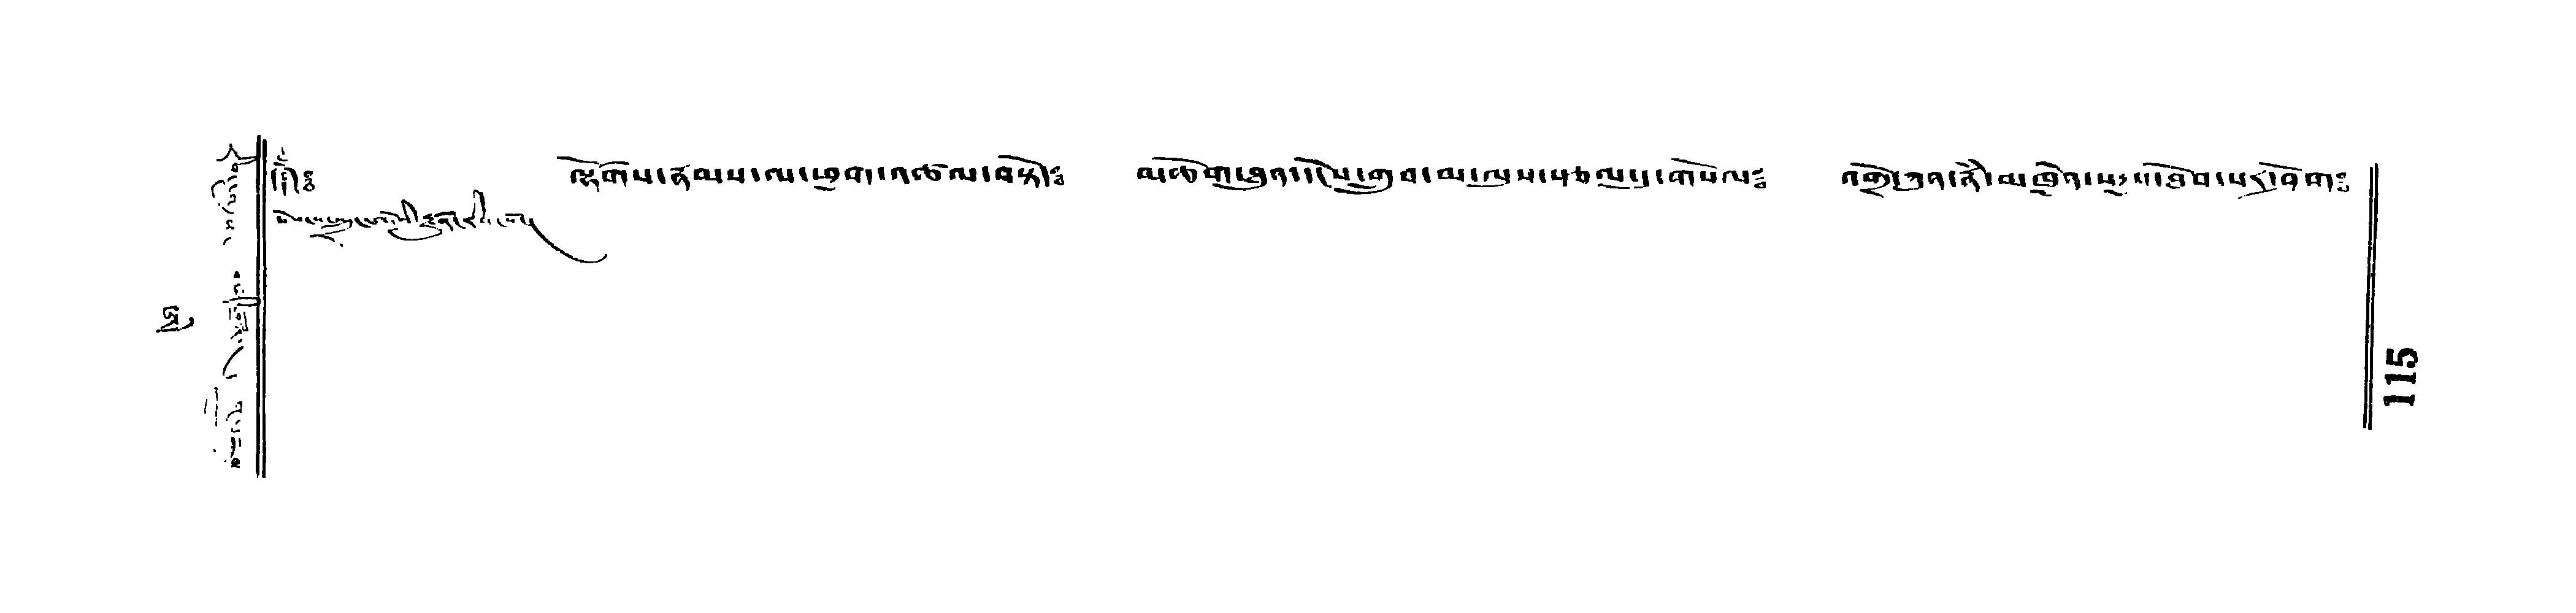ལྷ་ཚོགས་རྣམས་ལ་ཕྱག་འཚལ་བསྟོད༔ མཆོག་ཐུན་དངོས་གྲུབ་མ་ལུས་བསྩལ་དུ་གསོལ༔ འགྲོ་ཀུན་རྣམ་མཁྱེན་སངས་རྒྱས་འཐོབ་པར་ཤོག༔ 
ཅེས་པ་སྤྲང་མོའི་རྫུན་རིས་སོ།